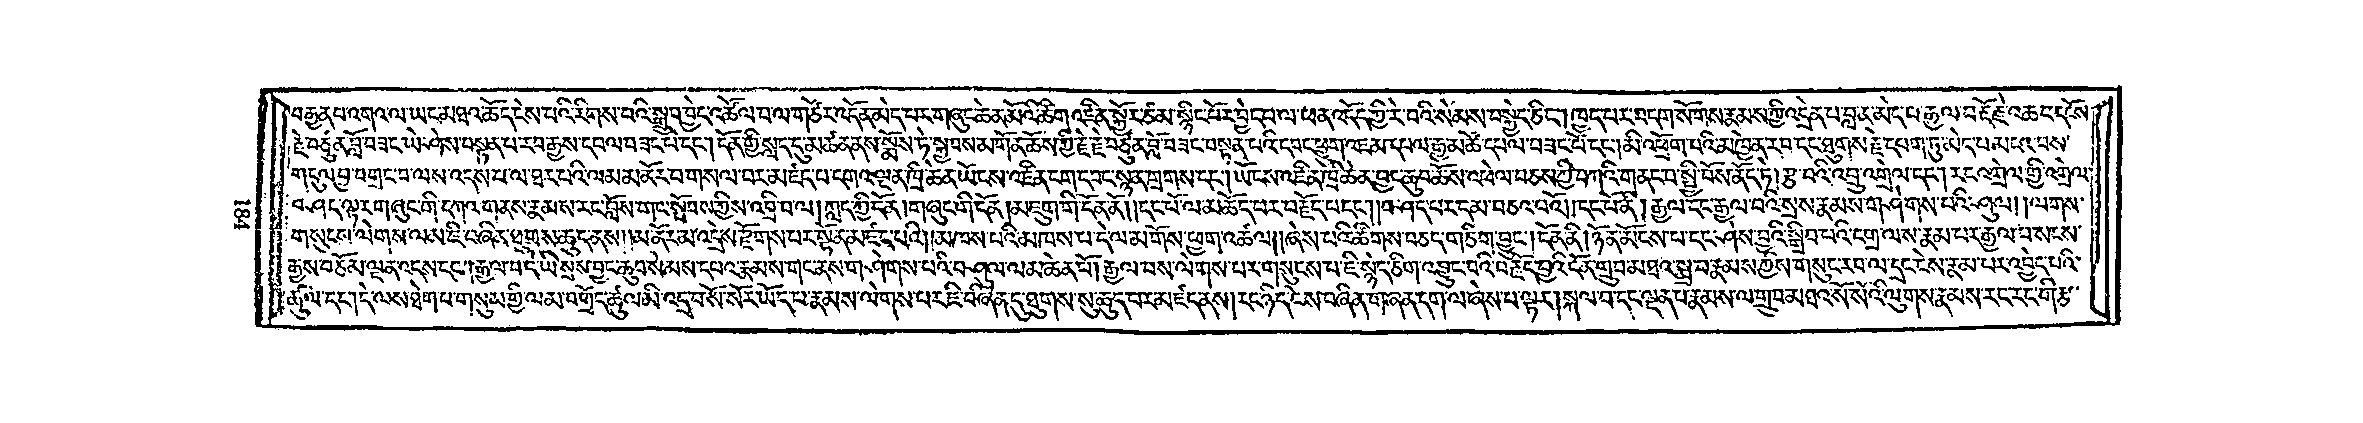བརྒྱན་པ་འགའ་ལ་ཡང་མཐའ་ཆོད་ངེས་པའི་རིགས་པའི་སྒྲུབ་བྱེད་འཚོལ་བ་ལ་གཙོར་འདོན་མེད་པར་གཞུང་ཆེན་མོའི་ཚིག་འཛིན་སྐྱོར་ཙམ་སྙིང་པོར་བྱེད་པ་ལ་ཕན་འདོད་ཀྱི་རེ་བའི་སེམས་བསྐྱེད་ཅིང་། ཁྱད་པར་བདག་སོགས་རྣམས་ཀྱི་འདྲེན་པ་བླ་ན་མེད་པ་རྒྱལ་བ་རྡོ་རྗེ་འཆང་དངོས་
རྗེ་བཙུན་བློ་བཟང་ཡེ་ཤེས་བསྟན་པ་རབ་རྒྱས་དཔལ་བཟང་པོ་དང་། དོན་གྱི་སླད་དུ་མཚན་ནས་སྨོས་ཏེ་སྐྱབས་མགོན་ཆོས་ཀྱི་རྗེ་རྗེ་བཙུན་བློ་བཟང་བསྟན་པའི་དབང་ཕྱུག་འཇམ་དཔལ་རྒྱ་མཚོ་དཔལ་བཟང་པོ་དང་། མི་འཕྲོག་པའི་མཁྱེན་རབ་དང་ཐུགས་རྗེ་དཔག་ཏུ་མེད་པ་མངའ་བས་
གདུལ་བྱ་བགྲང་བ་ལས་འདས་པ་ལ་ཐར་པའི་ལམ་མ་ནོར་བ་གསལ་བར་མཛད་པ་དགའ་ལྡན་ཁྲི་ཆེན་ཡོངས་འཛིན་ངག་དབང་སྙན་གྲགས་དང་། ཡོངས་འཛིན་ཁྲི་ཆེན་བྱང་ཆུབ་ཆོས་འཕེལ་བཅས་ཀྱི་བཀའི་གནང་བ་སྤྱི་བོས་ནོད་ཏེ། རྩ་བའི་འབྲུ་འགྲེལ་དང་། རང་འགྲེལ་གྱི་འགྲེལ་
བཤད་ལྟར་གཞུང་གི་དཀའ་གནས་རྣམས་རང་བློས་གང་སྤོབས་ཀྱིས་འབྲི་བ་ལ། ཀླད་ཀྱི་དོན། གཞུང་གི་དོན། མཇུག་གི་དོན་ནོ། །དང་པོ་ལ་མཆོད་པར་བརྗོད་པ་དང་། །བཤད་པར་དམ་བཅའ་བའོ། །དང་པོ་ནི། རྒྱལ་དང་རྒྱལ་བའི་སྲས་རྣམས་གཤེགས་པའི་ཤུལ། །ལགས་
གསུངས་ལེགས་ལམ་ཇི་བཞིན་ཐུགས་ཆུད་ནས། མ་ནོར་མ་འདྲེས་རྫོགས་པར་སྟོན་མཛད་པའི། །མཁས་པའི་མཁས་པ་དེ་ལ་མགོས་ཕྱག་འཚལ། །ཞེས་པའི་ཚིགས་བཅད་གཅིག་བྱུང་། དོན་ནི། ཉོན་མོངས་པ་དང་ཤེས་བྱའི་སྒྲིབ་པའི་དགྲ་ལས་རྣམ་པར་རྒྱལ་བ་སངས་
རྒྱས་བཅོམ་ལྡན་འདས་དང་། རྒྱལ་བ་དེ་ཡི་སྲས་བྱང་ཆུབ་སེམས་དཔའ་རྣམས་གང་ནས་གཤེགས་པའི་བཤུལ་ལམ་ཆེན་པོ། རྒྱལ་བས་ལེགས་པར་གསུངས་པ་ཇི་སྙེད་ཅིག་འབྱུང་བའི་བརྗོད་བྱའི་དོན་གྲུབ་མཐའ་སྨྲ་བ་རྣམས་ཀྱིས་གསུང་རབ་ལ་དྲང་ངེས་རྣམ་པར་འབྱེད་པའི་
ཚུལ་དང་། དེ་ལས་ཐེག་པ་གསུམ་གྱི་ལམ་བགྲོད་ཚུལ་མི་འདྲ་བ་སོ་སོར་ཡོད་པ་རྣམས་ལེགས་པར་ཇི་བཞིན་དུ་ཐུགས་སུ་ཆུད་པར་མཛད་ནས། རང་ཉིད་ངེས་བཞིན་གཞན་དག་ལ་ཞེས་པ་ལྟར། སྐལ་བ་དང་ལྡན་པ་རྣམས་ལ་གྲུབ་མཐའ་སོ་སོའི་ལུགས་རྣམས་རང་རང་གི་རྩ་